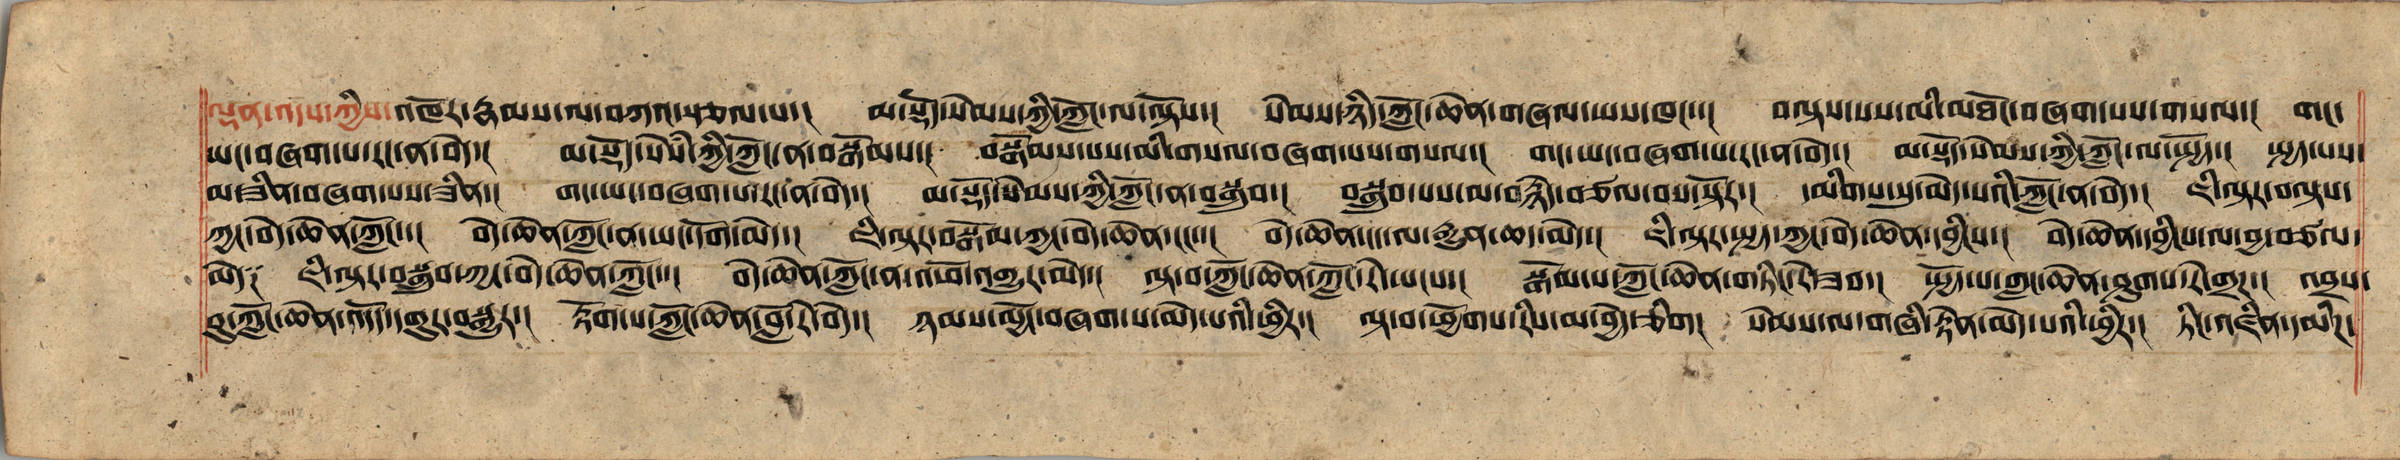ལྡན་འདས་ཀྱིས་འཁོར་རྣམས་ལ་བཀའ་སྩལ་པ་། མ་སྡོད་སེམས་ཀྱི་ཀློང་ལ་ལྟོས་། སེམས་ཉིད་ཀློང་ཆེན་གཞལ་ཡས་ཁང་་། བལྟས་པས་མི་མཐོང་བཞག་པས་གསལ་། གང་
ཡང་བཞག་པ་རང་ན་བདེ་། མ་སྡོད་སེཾས་ཀྱི་ཀློང་ན་བསྒོམས་། བསྒོམས་པས་མི་གསལ་བཞག་པས་གསལ་། གང་ཡང་བཞག་པ་རང་ན་བདེ་། མ་སྡོད་སེམས་ཀྱི་ཀློང་ལ་སྤྱོད་། སྤྱད་པས་
མ་ཟིན་བཞག་པས་ཟིན་། གང་ཡང་བཞག་པ་རང་ན་བདེ་། མ་སྡོད་སེམས་ཀྱི་ཀློང་ན་བསྒྲུབ་། བསྒྲུབ་པས་མ་བརྙེད་བཙལ་བས་སྟོར་། དམིགས་སུ་མེད་པའི་ཀློང་ན་བདེ་། ཇི་ལྟར་བལྟས་
ཀྱང་བདེ་ཆེན་ཀློང་་། བདེ་ཆེན་ཀློང་ན་ཡང་དོག་མེད་། ཇི་ལྟར་བསྒོམ་ཀྱང་བདེ་ཆེན་ངང་་། བདེ་ཆེན་ངང་ལ་རྒྱུན་ཆད་མེད་། ཇི་ལྟར་སྤྱད་ཀྱང་བདེ་ཆེན་དབྱིངས་། བདེ་ཆེན་དབྱིངས་ལ་བྱ་བཙལ་
མེད༑ ཇི་ལྟར་བསྒྲུབ་ཀྱང་བདེ་ཆེན་ཀློང་་། བདེ་ཆེན་ཀློང་ན་འཕོ་འགྱུར་མེད་། ལྟ་བ་ཀློང་ཆེན་ཀློང་རེ་སངས་། སྒོམ་པ་ཀློང་ཆེན་གཏིང་རེ་ཟབ་། སྤྱོད་པ་གླང་ཆེན་ཤུགས་རེ་གྲཌ་། འབྲས་
བུ་ཀློང་ཆེན་འདོད་དགུར་བསྒྱུར་། རྟོག་པ་ཀློང་ཆེན་བློ་རེ་བདེ་། ཉམས་མྱོང་བཞག་པ་མེད་པའི་ཕྱིར་། ལྟ་བ་ཕྱོགས་རིས་མ་བྱེད་ཅིག། སེམས་ལ་གཞི་རྟེན་མེད་པའི་ཕྱིར་། ཏིང་འཛིན་དམིཌ་